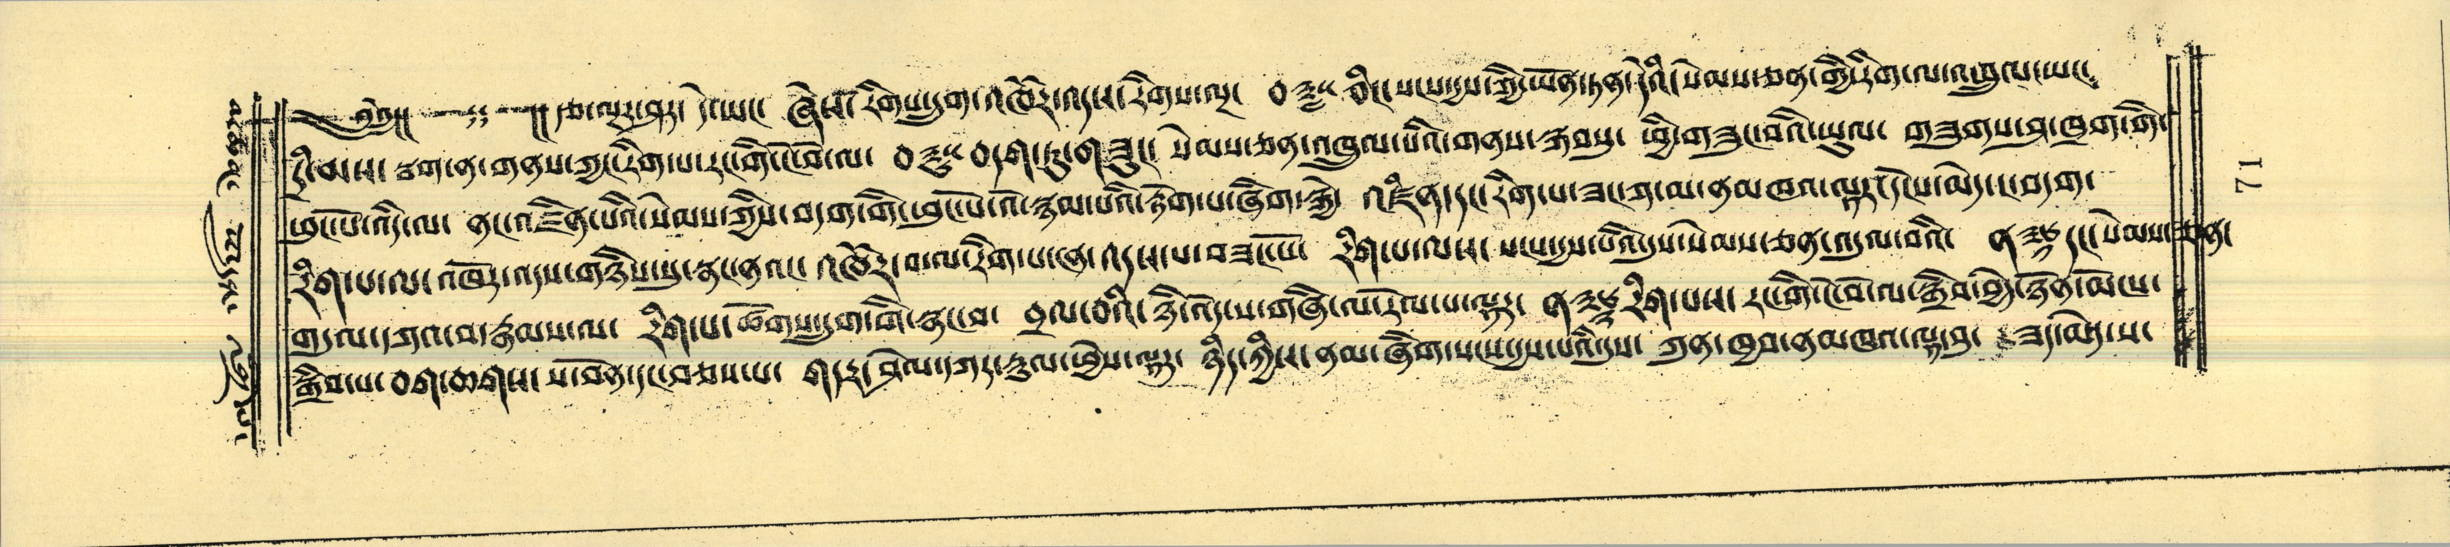རྩ་ལྔར་ཤར། དེ་ཡང་༼ཞེས༽རིགས་དྲུག་༼འཁོར་འདས༽ རིགས་ལྔ། བ༣༥།༤ ༼ཅིང༽སངས་རྒྱས་ཀྱི་ཡོན་ཏན་༼དེའི༽སེམས་ཅན་གྱི་རིགས་ལ་འཁྲུལ་ཡང་
༼དྲི་མས༽སྦགས་ན་གནས་ཀྱང་རིག་པ་རང་གི་ངོ་བོ་ལ་བ༣༥།༦༼བདག་ཏུ་བཟུང་༽སེམས་ཅན་འཁྲུལ་པའི་གནས་སྐབས་སུ་ཕྱི་གཟུང་བའི་ཡུལ་གཟུགས་ཤ་ཁྲག་གི་
ཕུང་པོ་འདི་ལ་ནང་འཛིན་པའི་སེམས་ཀྱིས་བདག་གི་ཕུང་པོའོ་སྙམ་པའི་རྟོག་པོ་ཞིག་སྐྱེ་༼འཛིན་དང༽རིག་ཟང་ཀ་མ་ནམ་མཁའ་ལྟར་དངོས་མེད་ང་བདག་ 
༼རིག་པ་ལ༽འཁོར་འདས་གཉིས་སུ་སྣང་ནའང་༼འཁོར༽བ་ལ་རིག་པ་ངན་ ༼འདས༽པ་བཟང་པོ་༼རིག་པ་ལས༽སངས་རྒྱས་པའི་དུས་སེམས་ཅན་འདུལ་བའི་ན༣༦།༡༼དང༽སེམས་ཅན་
གདུལ་དཀའ་བ་རྣམས་ལ་༼རིག་པ༽ཚོགས་དྲུག་གི་སྣང་བ་༼བྲལ་བའི༽ཉི་འོད་ས་གཞི་ལ་རོལ་པ་ལྟར་ན༣༦།༢༼རིག་པས༽རང་གི་ངོ་བོ་ལ་སྒྲིབ་བྱེད་ཉོན་མོངས་
སྒྲིབ་པ་༼བག་ཆགས༽ས་བོན་དང་བཅས་པ་༼གདར༽ཤེལ་དཀར་རྡུལ་ཕྱིས་ལྟར་༼ཉིད་ཀྱིས༽ནམ་ཞིག་སངས་རྒྱས་པའི་དུས་ཀུན་ཁྱབ་ནམ་མཁའ་ལྟ་བུ་ཟད་མེད་